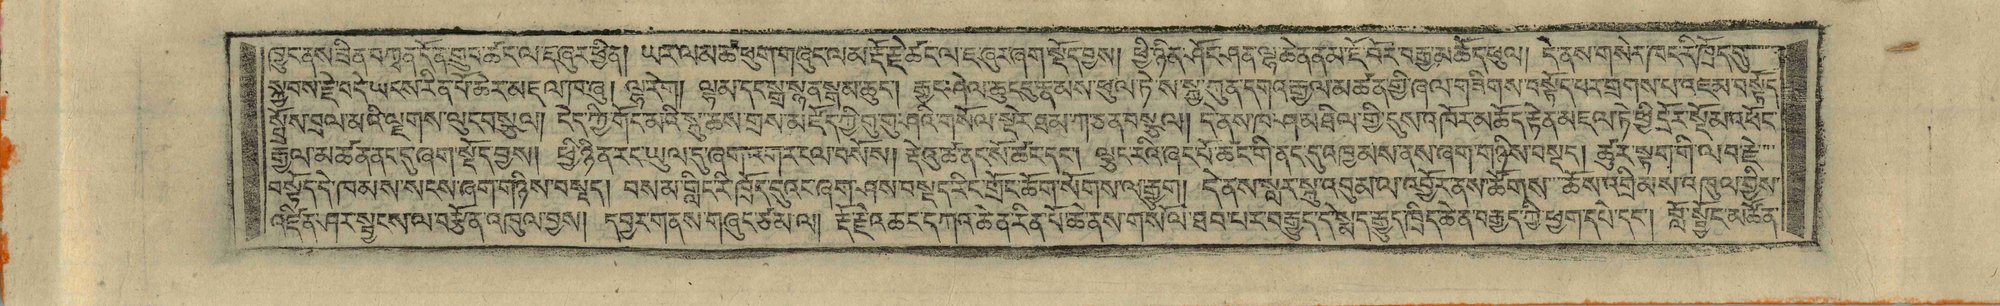ཁྱུང་ནས་ཟིན་བཀྭན་དོན་གྲུབ་ཚང་ལ་ཇ་ཞུར་ཕྱིན། ཡར་ལམ་ཚ་ཕུག་གཞུང་ལམ་རྡོ་རྗེ་ཚང་ལ་ཇ་ཞུར་ཞག་སྡོད་བྱས། ཕྱི་ཉིན་ཤོང་ཤན་ལྷ་ཆེན་ནམ་ཇོ་བོར་བརྒྱ་མཆོད་ཕུལ། དེ་ནས་གསེར་ཁང་རི་ཁྲོད་དུ་
སྐྱབས་རྗེ་བདེ་ཡངས་རིན་པོ་ཆེར་མཇལ་ཁ་ཞུ། ལྷ་རེག །ལྷམ་དང་སྒྲ་སྙན་སྒམ་ཆུང་། རྒྱང་ཤེལ་ཆུང་ངུ་རྣམས་ཕུལ་ཏེ་ས་སྐྱ་ཀུན་དགའ་རྒྱལ་མཚན་གྱི་ཞལ་གཟིགས་བསྟོད་པར་གྲགས་པ་འཇམ་བསྟོད་
སྤྲོས་བྲལ་མའི་ལྗགས་ལུང་བསྩལ། ངེད་ཀྱི་གོང་མའི་སྐུ་ཆས་གྲས་མཛོད་ཀྱི་གུ་གུ་ཤའི་གསོལ་སྡེར་ཐམ་ཀ་ཅན་བསྩལ། དེ་ནས་ཁ་ཤ་མཐིལ་གྱི་དུས་འཁོར་མཆོད་རྟེན་མཇལ་ཏེ་ཕྱི་དྲོར་སྡོམ་འཕོང་
རྒྱལ་མཚན་ནང་དུ་ཞག་སྡོད་བྱས། ཕྱི་ཉིན་རང་ཡུལ་དུ་ཞག་འགར་ངལ་བསོས། རྡེའུ་ཚ་ནང་སོ་ཚང་དང་། ལྕང་རའི་ཞང་པོ་ཚང་གི་ནང་དུ་འཁྱམས་ནས་ཞག་གཉིས་བསྡད། ཚུར་སྟག་གི་ལབ་རྗེ་
བསྟོད་དེ་ཁམས་སངས་ཞག་གཉིས་བསྡད། བསམ་གླིང་རི་ཁྲོད་དུའང་ཞག་ཤས་བསྡད་རིང་གྲོང་ཆོག་སོགས་ལ་རྒྱུག །དེ་ནས་སླར་སྐུ་འབུམ་ལ་འབྱོར་ནས་ཚོགས་ཆོས་འགྲིམས་འཁུལ་གྱིས་
འཛིན་ཤར་སྦྱངས་ལ་བརྩོན་འཁུལ་བྱས། དབྱར་གནས་གཞུང་ཙམ་ལ། རྡོ་རྗེ་འཆང་དཀའ་ཆེན་རིན་པོ་ཆེ་ནས་གསོལ་ཐབ་པར་བརྒྱུད་དེ་སྨད་རྒྱུད་ཁྲིད་ཆེན་བརྒྱད་ཀྱི་ཕྱག་དཔེ་དང་། བློ་སྦྱོང་མཚོན་